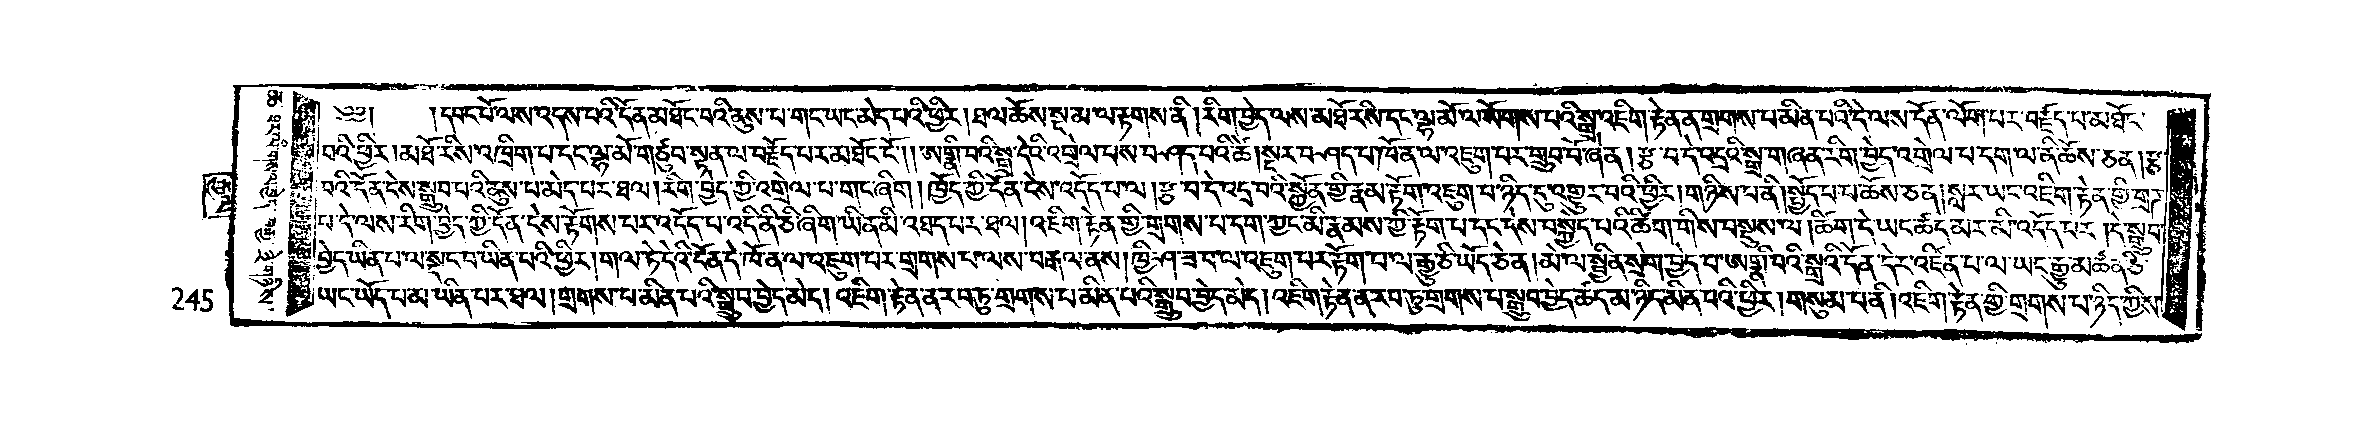༄༅། །དབང་པོ་ལས་འདས་པའི་དོན་མཐོང་བའི་ནུས་པ་གང་ཡང་མེད་པའི་ཕྱིར། ཐལ་ཆོས་སྔ་མ་ལ་རྟགས་ནི། རིག་བྱེད་ལས་མཐོ་རིས་དང་ལྷ་མོ་ལ་སོགས་པའི་སྒྲ་འཇིག་རྟེན་ན་གྲགས་པ་མིན་པའི་དེ་ལས་དོན་ལོག་པར་བརྗོད་པ་མཐོང་
བའི་ཕྱིར། མཐོ་རིས་འཁྲིག་པ་དང་ལྷ་མོ་གཙུབ་སྟན་ལ་བརྗོད་པར་མཐོང་ངོ། །ཨགནི་བའི་སྒྲ་དེའི་འགྲེལ་པས་བཤད་པའི་ཚེ། སྔར་བཤད་པ་ཁོ་ན་ལ་འཇུག་པར་གྲུབ་བོ་ཞེ་ན། རྩ་བ་དེ་འདྲའི་སྒྲ་གཞན་རིག་བྱེད་འགྲེལ་པ་དག་ལ་ནི་ཆོས་ཅན། རྩ་
བའི་དོན་ངེས་སྒྲུབ་པའི་ནུས་པ་མེད་པར་ཐལ། རིག་བྱེད་ཀྱི་འགྲེལ་པ་གང་ཞིག །ཁྱོད་ཀྱི་དོན་ངེས་འདོད་པ་ལ། རྩ་བ་དེ་འདྲ་བའི་སྐྱོན་གྱི་རྣམ་རྟོག་འཇུག་པ་ཉིད་དུ་འགྱུར་བའི་ཕྱིར། གཉིས་པ་ནི། སྤྱོད་པ་པ་ཆོས་ཅན། སླར་ཡང་འཇིག་རྟེན་གྱི་གྲཌ་
པ་དེ་ལས་རིག་བྱེད་ཀྱི་དོན་ངེས་རྟོགས་པར་འདོད་པ་འདི་ནི་ཅི་ཞིག་ཡིན་མི་འཐད་པར་ཐལ། འཇིག་རྟེན་གྱི་གྲགས་པ་དག་ཀྱང་མི་རྣམས་ཀྱི་རྟོག་པ་དང་དེས་བསྐྱེད་པའི་ཚིག་གིས་བསྡུས་ལ། ཚིག་དེ་ཡང་ཚད་མར་མི་འདོད་པར། དེ་སྒྲུབ་
བྱེད་ཡིན་པ་ལ་སྡང་བ་ཡིན་པའི་ཕྱིར། གལ་ཏེ་དེའི་དོན་དེ་ཁོ་ན་ལ་འཇུག་པར་གྲགས་པ་ལས་བརྒལ་ནས། ཁྱི་ཤ་ཟ་བ་ལ་འཇུག་པར་རྟོག་པ་ལ་རྒྱུ་ཅི་ཡོད་ཅེ་ན། མེ་ལ་སྦྱིན་སྲེག་བྱེད་པ་ཨགནི་བའི་སྒྲའི་དོན་དེར་འཛིན་པ་ལ་ཡང་རྒྱུ་མཚན་ཅི་
ཡང་ཡོད་པ་མ་ཡིན་པར་ཐལ། གྲགས་པ་མིན་པའི་སྒྲུབ་བྱེད་མེད། འཇིག་རྟེན་ན་རབ་ཏུ་གྲགས་པ་མིན་པའི་སྒྲུབ་བྱེད་མེད། འཇིག་རྟེན་ན་རབ་ཏུ་གྲགས་པ་སྒྲུབ་བྱེད་ཚད་མ་ཉིད་མིན་པའི་ཕྱིར། གསུམ་པ་ནི། འཇིག་རྟེན་གྱི་གྲགས་པ་ཉིད་ཀྱིས་